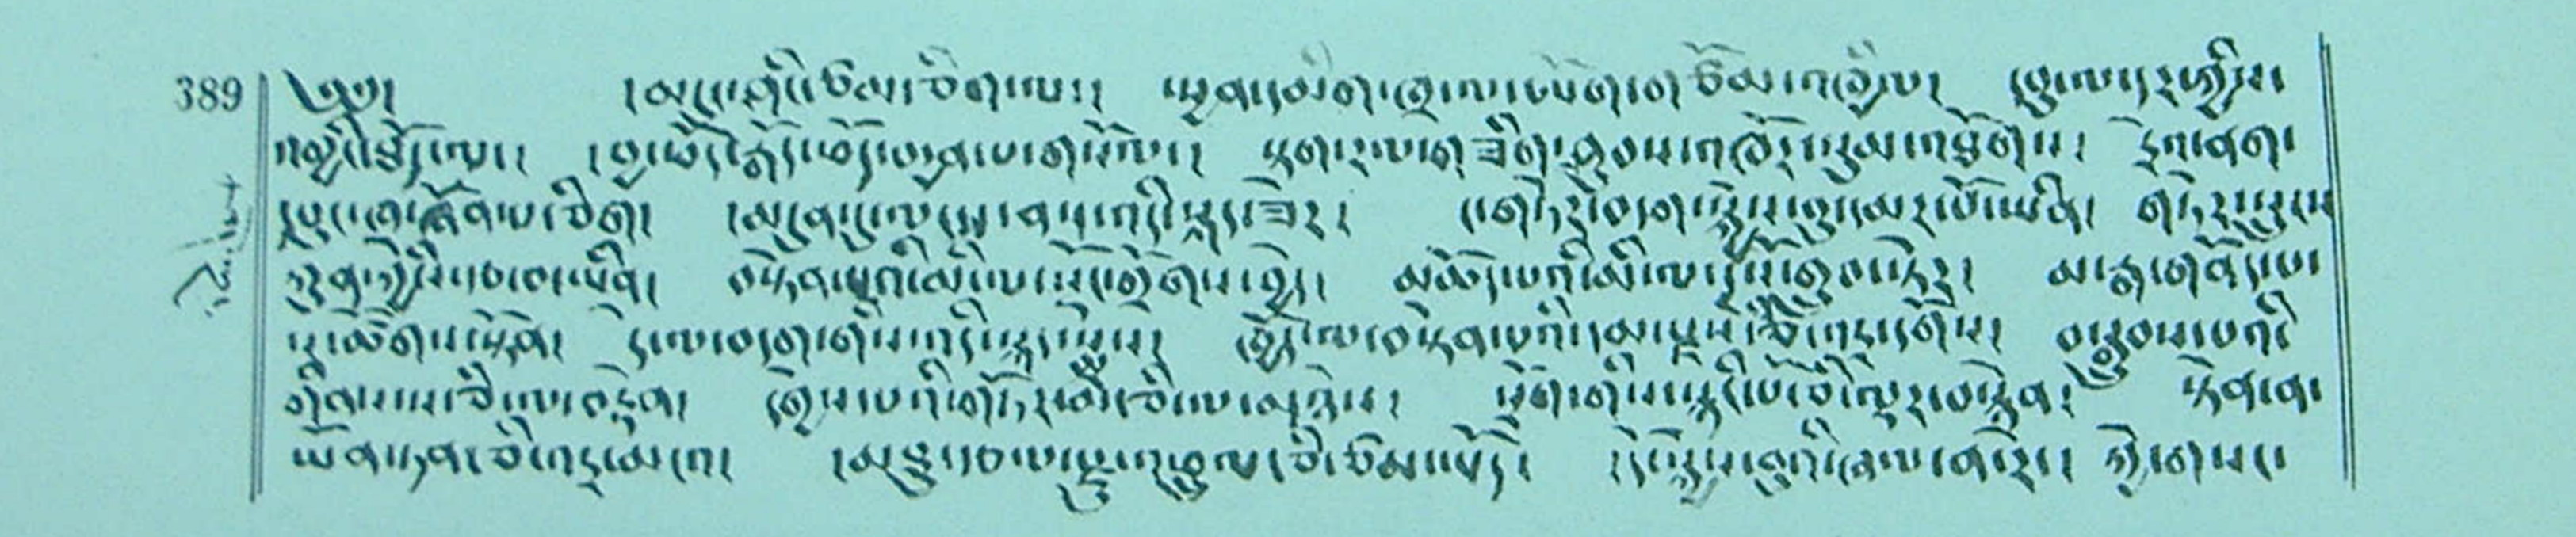༄༅། །མདུང་ཤིང་ཙམ་ཅིག་བྱུང་། སྤྱན་མིག་ཁྲ་ལ་ཨོག་ཚོམ་འཁྱིལ། དབུ་ལ་དར་གྱིས་
འགྱིང་ཐོད་ལ། བྱ་ཕོད་རྒོད་ཕོད་བརྒྱན་པ་གསོལ། སྟག་རལ་གཟིག་ཤུབ་འཁོར་གསུམ་འཐོགས། དྲེའུ་ནག་
དཔུང་ཁྲ་ཞོན་པ་ཅིག མདུན་དུ་ལངས་ནས་འདི་སྐད་ཟེར། ང་ནི་གཏེར་བདག་སྐྱེས་བུ་དམར་པོ་ཡིན། གཏེར་བསྲུང་
ཀུན་ཀྱི་རྩ་བ་ཡིན། བསྟན་པའི་མི་ལ་སྡོང་གྲོགས་བྱེད། མཆོད་པའི་མི་ལ་དངོས་གྲུབ་སྟེར། མ་དགའ་གནོད་པ་
སྣ་ཚོགས་སྟོན། དེ་ལ་བདག་གིས་འདི་སྐད་སྨྲས། ཁྱོད་ལ་བསྟན་པའི་དམ་རྫས་ཅི་འདྲ་དགོས། བསྒྲུབ་པའི་
གནས་ས་ཅི་ལ་བརྟེན། དགྱེས་པའི་གཏོར་མ་ཅི་ལ་མཉེས། སྲོག་གི་སྙིང་པོ་ཇི་ལྟར་བསྙེན། སྟེན་ན་
ཡོན་ཏན་ཅི་འདྲ་མངའ། མཐུ་རྩལ་རྫུ་འཕྲུལ་ཅི་ཙམ་ཡོད། དེ་ལ་སྐྱེས་བུའི་ཞལ་ན་རེ། ཀྱེ་གསང་